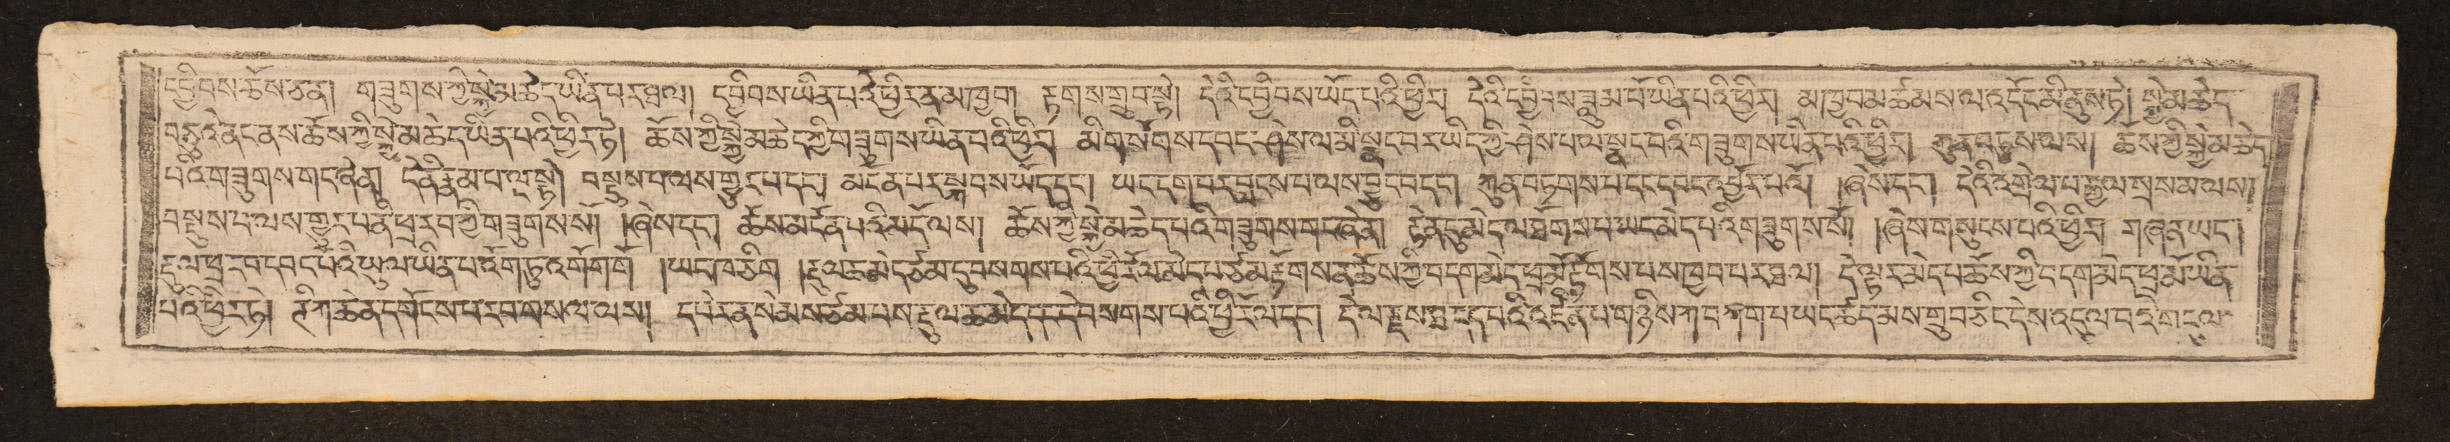དབྱིབས་ཆོས་ཅན། གཟུགས་ཀྱི་སྐྱེ་མཆེད་ཡིན་པར་ཐལ། དབྱིབས་ཡིན་པའི་ཕྱིར་ན་མ་ཁྱབ། རྟགས་གྲུབ་སྟེ། དེའི་དབྱིབས་ཡོད་པའི་ཕྱིར། དེའི་དབྱིབས་ཟླུམ་པོ་ཡིན་པའི་ཕྱིར། མ་ཁྱབ་མཚམས་ལ་འདོད་མི་ནུས་ཏེ། སྐྱེ་མཆེད་
བཅུའི་ནང་ནས་ཆོས་ཀྱི་སྐྱེ་མཆེད་ཡིན་པའི་ཕྱིར་ཏེ། ཆོས་ཀྱི་སྐྱེ་མཆེད་ཀྱི་གཟུགས་ཡིན་པའི་ཕྱིར། མིག་སོགས་དབང་ཤེས་ལ་མི་སྣང་བར་ཡིད་ཀྱི་ཤེས་པ་ལ་སྣང་བའི་གཟུགས་ཡིན་པའི་ཕྱིར། ཀུན་བཏུས་ལས། ཆོས་ཀྱི་སྐྱེ་མཆེད་
པའི་གཟུགས་གང་ཞེ་ན། དེ་ནི་རྣམ་པ་ལྔ་སྟེ། བསྡུས་པ་ལས་གྱུར་པ་དང་། མངོན་པར་སྐབས་ཡོད་དང་། ཡང་དག་པར་བླངས་པ་ལས་བྱུང་བ་དང་། ཀུན་བཏགས་པ་དང་དབང་འབྱོར་བའོ། །ཞེས་དང་། དེའི་འགྲེལ་བ་རྒྱལ་སྲས་མ་ལས།
བསྡུས་པ་ལས་གྱུར་པ་ནི་ཕྲ་རབ་ཀྱི་གཟུགས་སོ། །ཞེས་དང་། ཆོས་མངོན་པའི་མདོ་ལས། ཆོས་ཀྱི་སྐྱེ་མཆེད་པའི་གཟུགས་གང་ཞེ་ན། རྟེན་དུ་མེད་ལ་ཐོགས་པ་ཡང་མེད་པའི་གཟུགས་སོ། །ཞེས་གསུངས་པའི་ཕྱིར། གཞན་ཡང་།
རྡུལ་ཕྲ་རབ་དབང་པོའི་ཡུལ་ཡིན་པ་འོག་ཏུ་འགོག་གོ །ཡང་ཁ་ཅིག །རྡུལ་ཆ་མེད་ཙམ་དུ་བསགས་པའི་ཕྱི་རོལ་མེད་པ་ཙམ་རྟོགས་ན་ཆོས་ཀྱི་བདག་མེད་ཕྲ་མོ་རྟོགས་པས་ཁྱབ་པར་ཐལ། དེ་ལྟར་མེད་པ་ཆོས་ཀྱི་བདག་མེད་ཕྲ་མོ་ཡིན་
པའི་ཕྱིར་ཏེ། ཊིཀ་ཆེན་དགོངས་པ་རབ་གསལ་ལས། དཔེར་ན་སེམས་ཙམ་པས་རྡུལ་ཆ་མེད་དང་དེ་བསགས་པའི་ཕྱི་རོལ་དང་། དེ་ལ་རྫས་ཐ་དད་པའི་འཛིན་པ་གཉིས་ཀ་བཀག་པ་ཡང་ཚད་མས་གྲུབ་ཅིང་དེས་འདུལ་བའི་གདུལ་